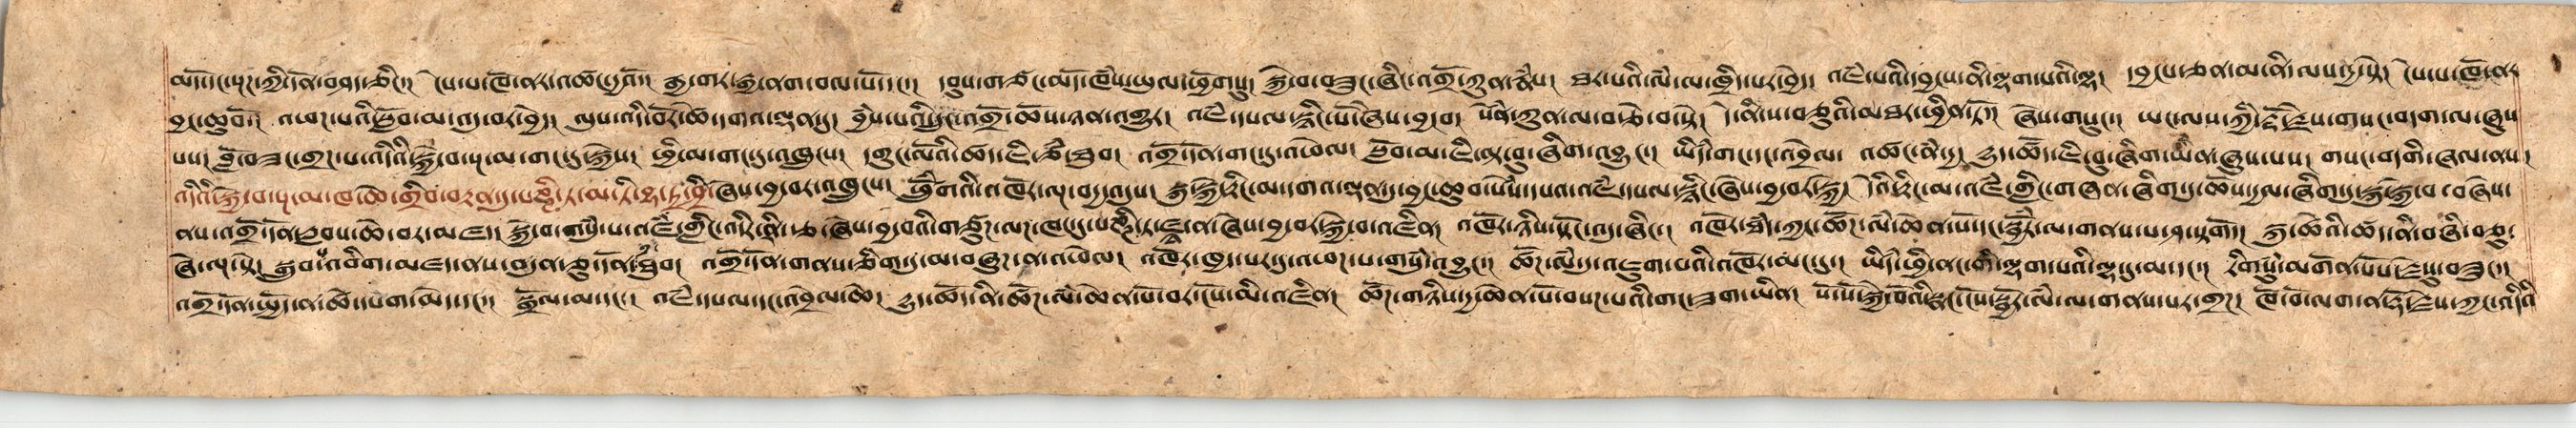མདོ་དང་སྔཌ་ཀྱི་དོན་བཤད་ཅིང་། ངེས་པ་ཁོ་ནར་འཚང་དྱའོ། རྒྱ་གར་རྒྱ་ནག་བལ་པོ་དང་། དབུས་གཙང་མདོ་ཁཾས་ཡུལ་ཕྱོགསུ། སྐྱེ་བ་བཟུང་ཞིང་འགྲོ་ཀུན་རྣཾས། ཐར་པའི་ལཾ་ལ་ཁྲིད་པར་བྱེད། འཇཾ་པའི་དབྱངས་ནི་ལྷག་པའི་ལྷ། དབྱངས་ཅན་མ་ནི་ལས་དྱ་སྟེ། ངེས་པ་ཁོ་ནར
བྱང་ཆུབོ། འཕཌ་པའི་སློབ་མ་འདུ་བར་བྱེད། ལུས་འདི་བོར་ཚེ་དགའ་ལྡན་དུ། བྱཾས་པའི་དྲུང་འགྲོ་ཆོས་ཉན་འགྱུར། འཇཾ་དཔལ་སྙིང་པོ་ཞེས་བྱ་བ། སེཾན་ཀུན་ལ་བརྩེ་བ་སྟེ། དེ་ནི་ས་བཅུའི་མཐར་ཕྱིན་ཏོ། ཞེས་གསུང་། ཡང་ལས་ཀྱི་རྡོ་རྗེས་གསང་བདག་ལ་ཞུས
པས། བློ་བཟང་གྲཌ་པ་འདིའི་སྐྱེ་བ་སྔ་མ་གང་དུ་སྐྱེས། ཕྱི་མ་གང་དུ་འཁྲུངས། དགུང་ལོའི་ཚད་ཇི་ཙཾ་ཐུབ། འགྲོ་དོན་གང་དུ་འཕེལ། སློབ་མ་ཇི་ལྟ་བུ་ཞིག་འབྱུང་། ཡིདཾ་གང་དང་འབྲེལ། འཚང་ནཾ་དྱ། དྱུད་ཚོད་ཇི་བུ་ཞིག་ཡིན་ཞུས་པས། གསང་བདགི་ཞལ་ནས།
འདིའི་སྐྱེ་བ་སྔ་མ་ཁ་ཆེ་གྲིབ་བརྟན་དུ་པཎྚི་ཏ་མ་ཏི་བྷ་དྲ་ཤྲི་ཞེས་བྱ་བར་འཁྲུངས། ཕྲོུཾགའི་འཁོར་ལྔ་བདྱ་འདུས། སྐུ་སྐྱེ་རྟིང་མ་དགའ་ལྡན་དུ་བྱང་ཆུབ་སེཾས་དཔའ་འཇཾ་དཔལ་སྙིང་ཞེས་བྱ་བར་སྐྱེ། དེའི་རྟིང་མ་འཛཾ་གླིང་གཞན་ཞིག་ཏུ་ཆོས་དྱལ་ཞིག་དུ་སྐུ་སྐྱེ་བ་བཞེས་
ནས་འགྲོ་དོན་རླབས་ཆེ་བར་མཛད། སྐྱེ་བ་གསུཾ་པ་འཛཾ་གླིང་འདིར་ནི་རྩ་ཞེས་བྱ་བའི་གཙུཌ་ལཌ་ཁང་དུ་པཎྚི་ཏ་ཛྙཱ་ན་ཞེས་བྱ་བར་སྐྱེ་བ་འཛིན། འཁོར་ཉིས་སྟོང་འདུ་ཞིང་། འཁོར་ཐཾད་ཀྱང་ཚོཌ་ལཾ་ཆེན་པོ་དང་སྦྱོཾར་ལ་གནས་པ་ཤ་སྟགོ་། སྐུ་ཚེའི་ཚད་ནི་བཞི་བཅུ་
ཞེ་ལྔ་སྟེ། སྒྲུབ་པ་འབིག་མཛད་ནས་བདུན་ཅུ་དོན་ཐུབ། འགྲོ་དོན་གནས་ཅིག་དུ་མ་བཞུཌ་ན་འཕེལ། འཁོར་ཁྱད་པར་དུ་འཕཌ་པ་གསུཾ་འབྱུང་། ཚོཌ་ལཾ་དུ་འཇུག་པའི་འཁོར་མང་དུ་། ཡིདཾ་ཕྱི་ནང་གི་ལྷག་པའི་ལྷ་དུ་མ་དང་། རིགསུཾ་མགོན་པོས་རྗེསུ་བཟུང་།
འགྲོ་དོན་སྤྱོད་ན་ཚེ་དཔག་མེད་དང་། སྒྲོལ་མ་དང་། འཇཾ་དཔལ་དང་འབྲེལ་ཆེ། དྱུད་ཚོད་ནི་ཚོཌ་ལཾ་ཆེན་པོ་བར་ངོས་མི་འཛིན། ཚོཌ་གཉིས་དྱ་ཆེན་པོ་བསཌ་པའི་གང་ཟག་ཡིན། སོ་སོ་སྐྱེ་བོའི་སྣང་ངོར་སྦྱོར་ལཾ་ལ་གནས་པར་གྲཌ། ཁོ་བོ་ལག་ན་རྡོ་རྗེས་ཀྱང་འདིའི